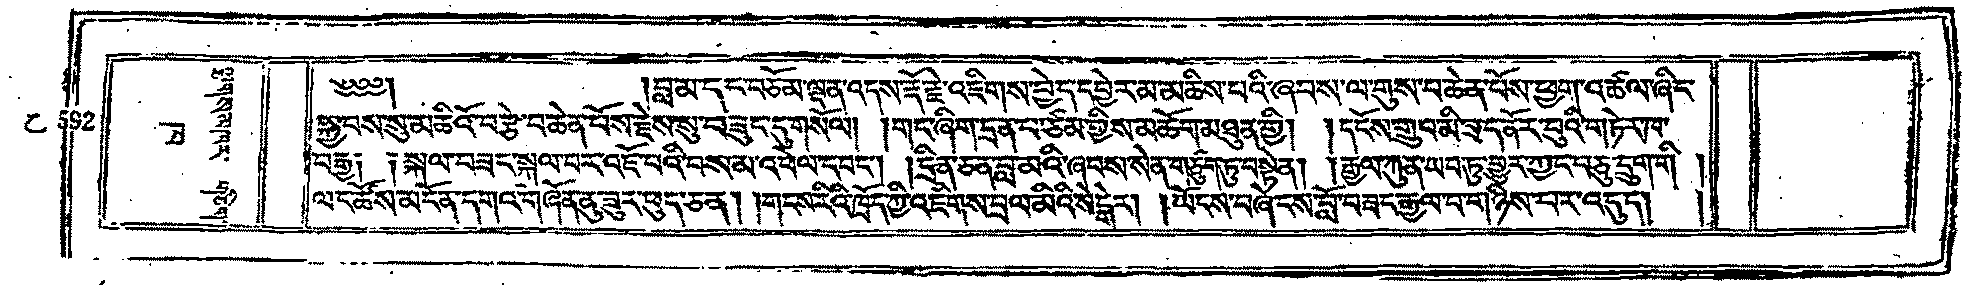༄༅༅། །བླ་མ་དང་བཅོམ་ལྡན་འདས་རྡོ་རྗེ་འཇིགས་བྱེད་དབྱེར་མ་མཆིས་པའི་ཞབས་ལ་གུས་པ་ཆེན་པོས་ཕྱག་འཚལ་ཞིང་
སྐྱབས་སུ་མཆིའོ་བརྩེ་བ་ཆེན་པོས་རྗེས་སུ་བཟུང་དུ་གསོལ། །གང་ཞིག་དྲན་པ་ཙམ་གྱིས་མཆོག་མཐུན་གྱི། །དངོས་གྲུབ་མི་ཟད་ནོར་བུའི་གཏེར་ཁ་
བརྒྱ༑ ༑སྐལ་བཟང་སྐལ་བར་འཇོ་བའི་བསམ་འཕེལ་དབང་། །དྲིན་ཅན་བླ་མའི་ཞབས་སེན་གཙུག་ཏུ་བསྟེན། །རྒྱལ་ཀུན་ཡབ་ཏུ་གྱུར་ཀྱང་བཅུ་དྲུག་གི །
ལང་ཚོས་མངོན་དགའ་གཞོན་ནུ་ཟུར་ཕུད་ཅན། །གངས་རིའི་ཁྲོད་ཀྱི་འཇིགས་བྲལ་མིའི་སེངྒེར། །ཡོངས་བཞེངས་བློ་བཟང་རྒྱལ་བ་གཉིས་པར་འདུད། །